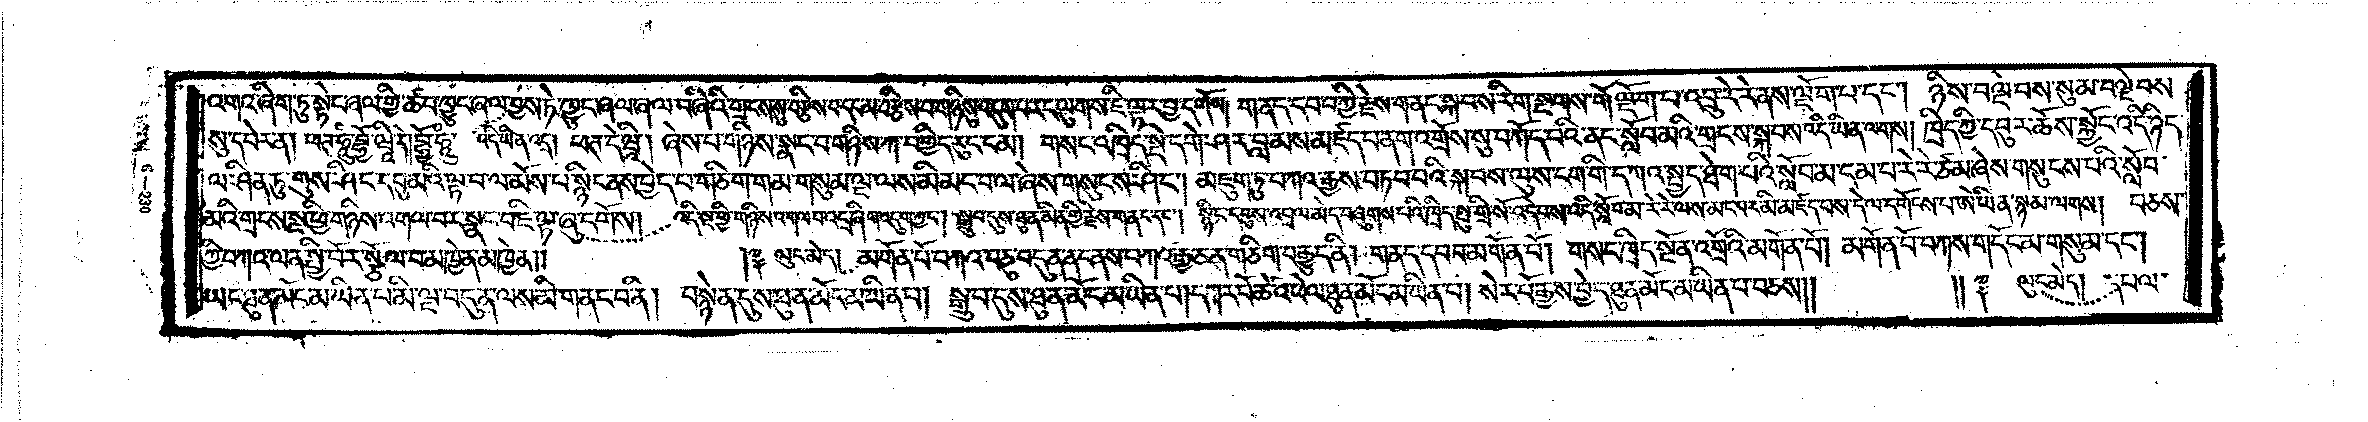འགའ་ཞིག་ཏུ་སྟེང་ཞལ་གྱི་ཚབ་ཁྱུང་ཞལ་བྱས་ཏེ་ཁྱུང་ཞལ་ཞལ་བཞིའི་གྲངས་སུ་བརྩིས་བ་དང་མ་བརྩིས་བ་གཉིསུ་འདུག་པ་རང་ལུགས་ཇི་ལྟར་བྱ་དགོས། གནད་དབབ་ཀྱི་རྗེས་གནང་སྐབས་རིག་སྔགས་གོ་ལྡོག་པ་འབྲུ་རེ་རེ་ནས་ལྡོག་པ་དང་། མཛད་བས་དེ་ལ་དགོངས་པ་ཨེ་ཡིན་སྙམ་ལགས། བཅས་ཀྱི་བཀའ་
སུ་དཔེར་ན། ཕཊ་ཧཱུཾ་བྷྱོ་ཝཱི་རེ། བྷྱོ་ཧཱུཾ་འདི་ཡིན་འདྲ།  ཕཊ་དེ་ཝཱི། ཞེས་པ་གཉིས་སྣང་བ་གཉིས་ཀ་བགྱིད་རུང་ངམ། གསང་འཁྲིད་སྡེ་དགེ་ཤར་བླ་མས་མཛད་པ་ནག་འགྲོས་སུ་བཀོད་བའི་ནང་སློབ་མའི་གྲངས་སྐབས་འདི་ཡིན་ལགས།  ཁྲིད་ཀྱི་དབུར་ཆོས་སྐྱོང་འདི་ཉིད་
ལ་ཤིན་ཏུ་གུས་ཤིང་དབུ་མའི་ལྟ་བ་ལ་མོས་པ་སྙིང་ནས་བྱེད་པ་གཅིག་གམ་གསུམ་ལྔ་ལས་མི་མང་བ་ལ་ཞེས་གསུངས་ཤིང་། མཇུག་ཏུ་བཀའ་རྒྱས་བཏབ་བའི་སྐབས་ལུས་ངག་གི་དཀའ་སྤྱད་ཐེག་པའི་སློབ་མ་དམ་པ་རེ་རེ་ཙམ་ཞེས་གསུངས་པའི་སློབ་
མའི་གྲངས་སྔ་ཕྱི་གཉིས་འགལ་བར་སྣང་བ་ཇི་ལྟ་ཞུ་དགོས། འདི་སྔ་ཕྱི་གཉིས་འགལ་བ་འདྲ་ཞིག་འདུག་ཀྱང་། སྒྲུབ་དུས་ཐུན་མིན་གྱི་རྗེས་གནང་དང་། སྙིང་དབུས་འབྲལ་མེད་བཞུགས་པའི་ཁྲིད་སྤུ་གྲི་སོ་འདེབས་འདི་སློབ་མ་རེ་རེ་ལས་མང་བར་མི་མཛད་བས་དེ་ལ་དགོངས་པ་ཨེ་ཡིན་སྙམ་ལགས།  བཅས་
ཀྱི་བཀའ་ལན་སྤྱི་བོར་སྩོལ་བ་མཁྱེན་མཁྱེན།། ། ༈ ལུང་མེད།  མགོན་པོ་བཀའ་བཅུ་བདུན་ནང་ནས་བཀའ་རྒྱ་ཅན་གཅིག་བརྒྱུད་ནི། གནད་དབབ་མགོན་པོ། གསང་ཁྲིད་སྔོན་འགྲོའི་མགོན་པོ། མགོན་པོ་བཀས་གདོང་མ་གསུམ་དང་།
ཡང་ཐུན་མོང་མ་ཡིན་པ་མི་ལྔ་བདུན་ལས་མི་གནང་བ་ནི། བསྙེན་དུས་ཐུན་མོང་མ་ཡིན་པ། སྒྲུབ་དུས་ཐུན་མོང་མ་ཡིན་པ། དཀར་པོ་ཚེ་འཕེལ་ཐུན་མོང་མ་ཡིན་པ། སེར་པོ་རྒྱས་བྱེད་ཐུན་མོང་མ་ཡིན་པ་བཅས།། །། ༈ ལུང་མེད།  དཔལ་